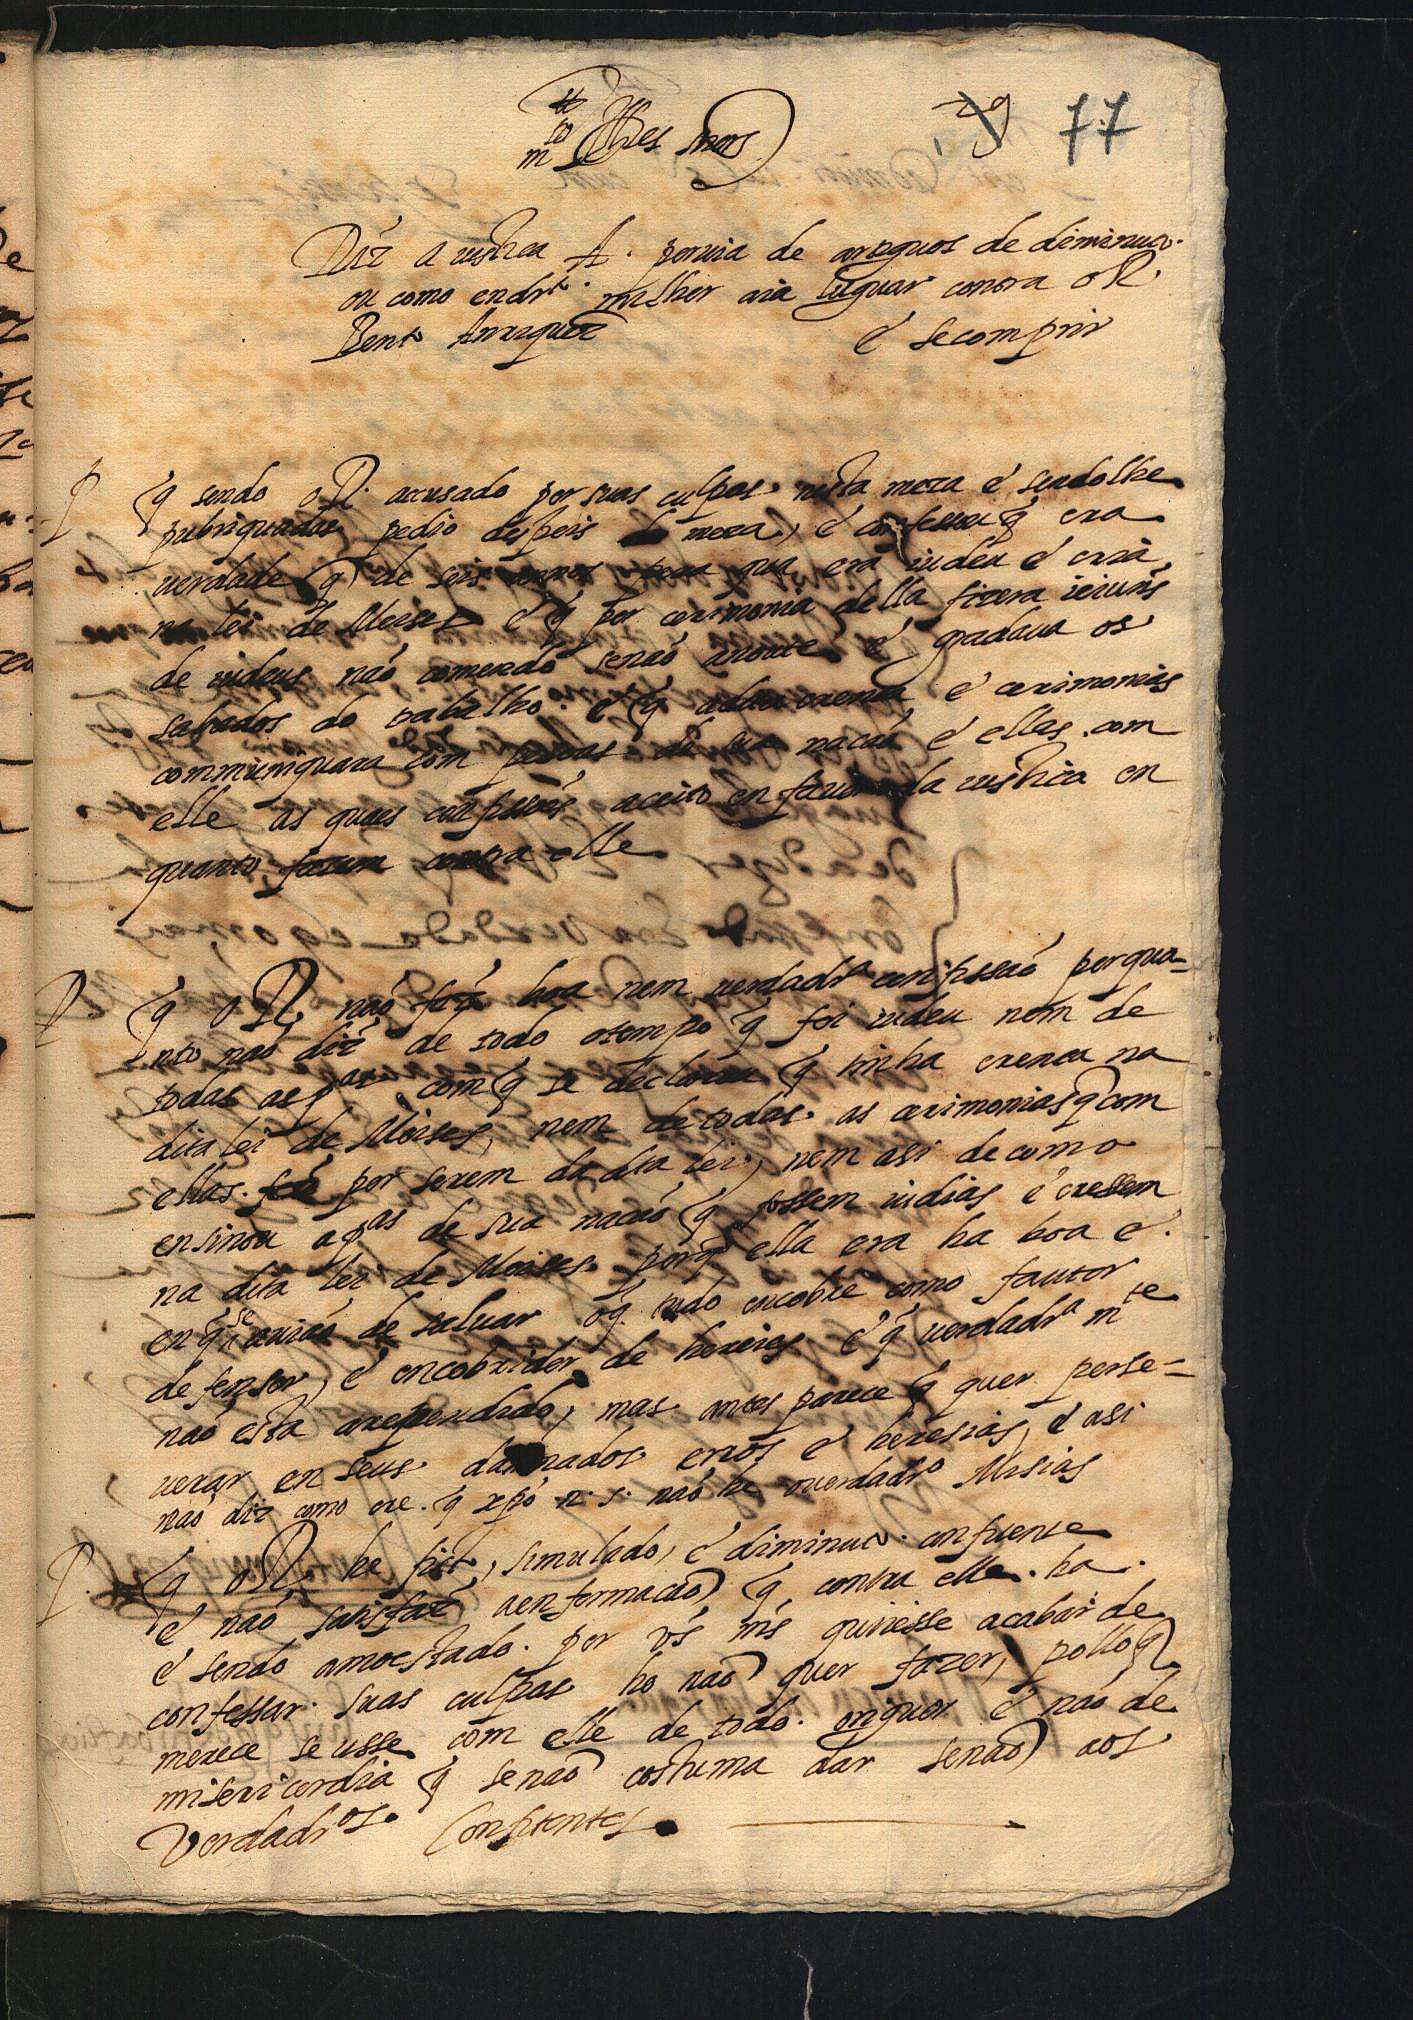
mto Ill̄res snors̄
Diz a iustica A. por uia de artiguos de diminuto
ou como en drto. milhor aia luguar contra o R.
Bento Anriquez
E se comprir
P q̄ sendo o R. acusado por suas culpas nesta meza e sendolhe
pubriquadas pedio despois _ meza, e confessou q̄ era
uerdade q̄ de seis annos pera qua era iudeu e cria
na lei de Moises e q̄ por cerimonia della fizera ieiuns
de iudeus naõ comendo senaõ a noute e gradaua os
sabados do trabalho e q̄ a dita crença e cerimonias
communiquara com pesoas de sua naçaõ e ellas com
elle as quaes confissoẽs aceito en fauor da iustiça en
quanto fazem contra elle
P. q̄ o R. naõ fez boa nem uerdadra confissaõ porqua
nto naõ diz de todo o tempo q̄ foi iudeu nem de
todas as pas com q̄ se declarou q̄ tinha crença na
dita lei de Moises, nem de todas as cerimonias q̄ com
ellas fez por serem da dita lei, nem asi de como
ensinou a pas de sua naçaõ q̄ fossem iudias e cressem
na dita lei de Moises porq̄ ella era ha boa e
en q̄ se auiaõ de saluar o q̄ tudo encobre como fautor
defensor, e encobridor de hereies e q̄ uerdadramte
naõ esta arependido, mas antes parece q̄ quer perse
uerar en seus damnados erros e heresias, e asi
não diz como cre q̄ xpō n. s. naõ he o uerdadro Mesias
P. q̄ o R he ficto, simulado, e diminuto confitente
e naõ satisfaz a enformação q̄ contra elle ha
e sendo amoestado por vs̄ ms̄ quizesse acabar de
confessar suas culpas ho naõ quer fazer, pollo q̄
merece se usse com elle de todo o riguor e não de
misericordia q̄ se não costuma dar senaõ aos
verdadros Confitentes
